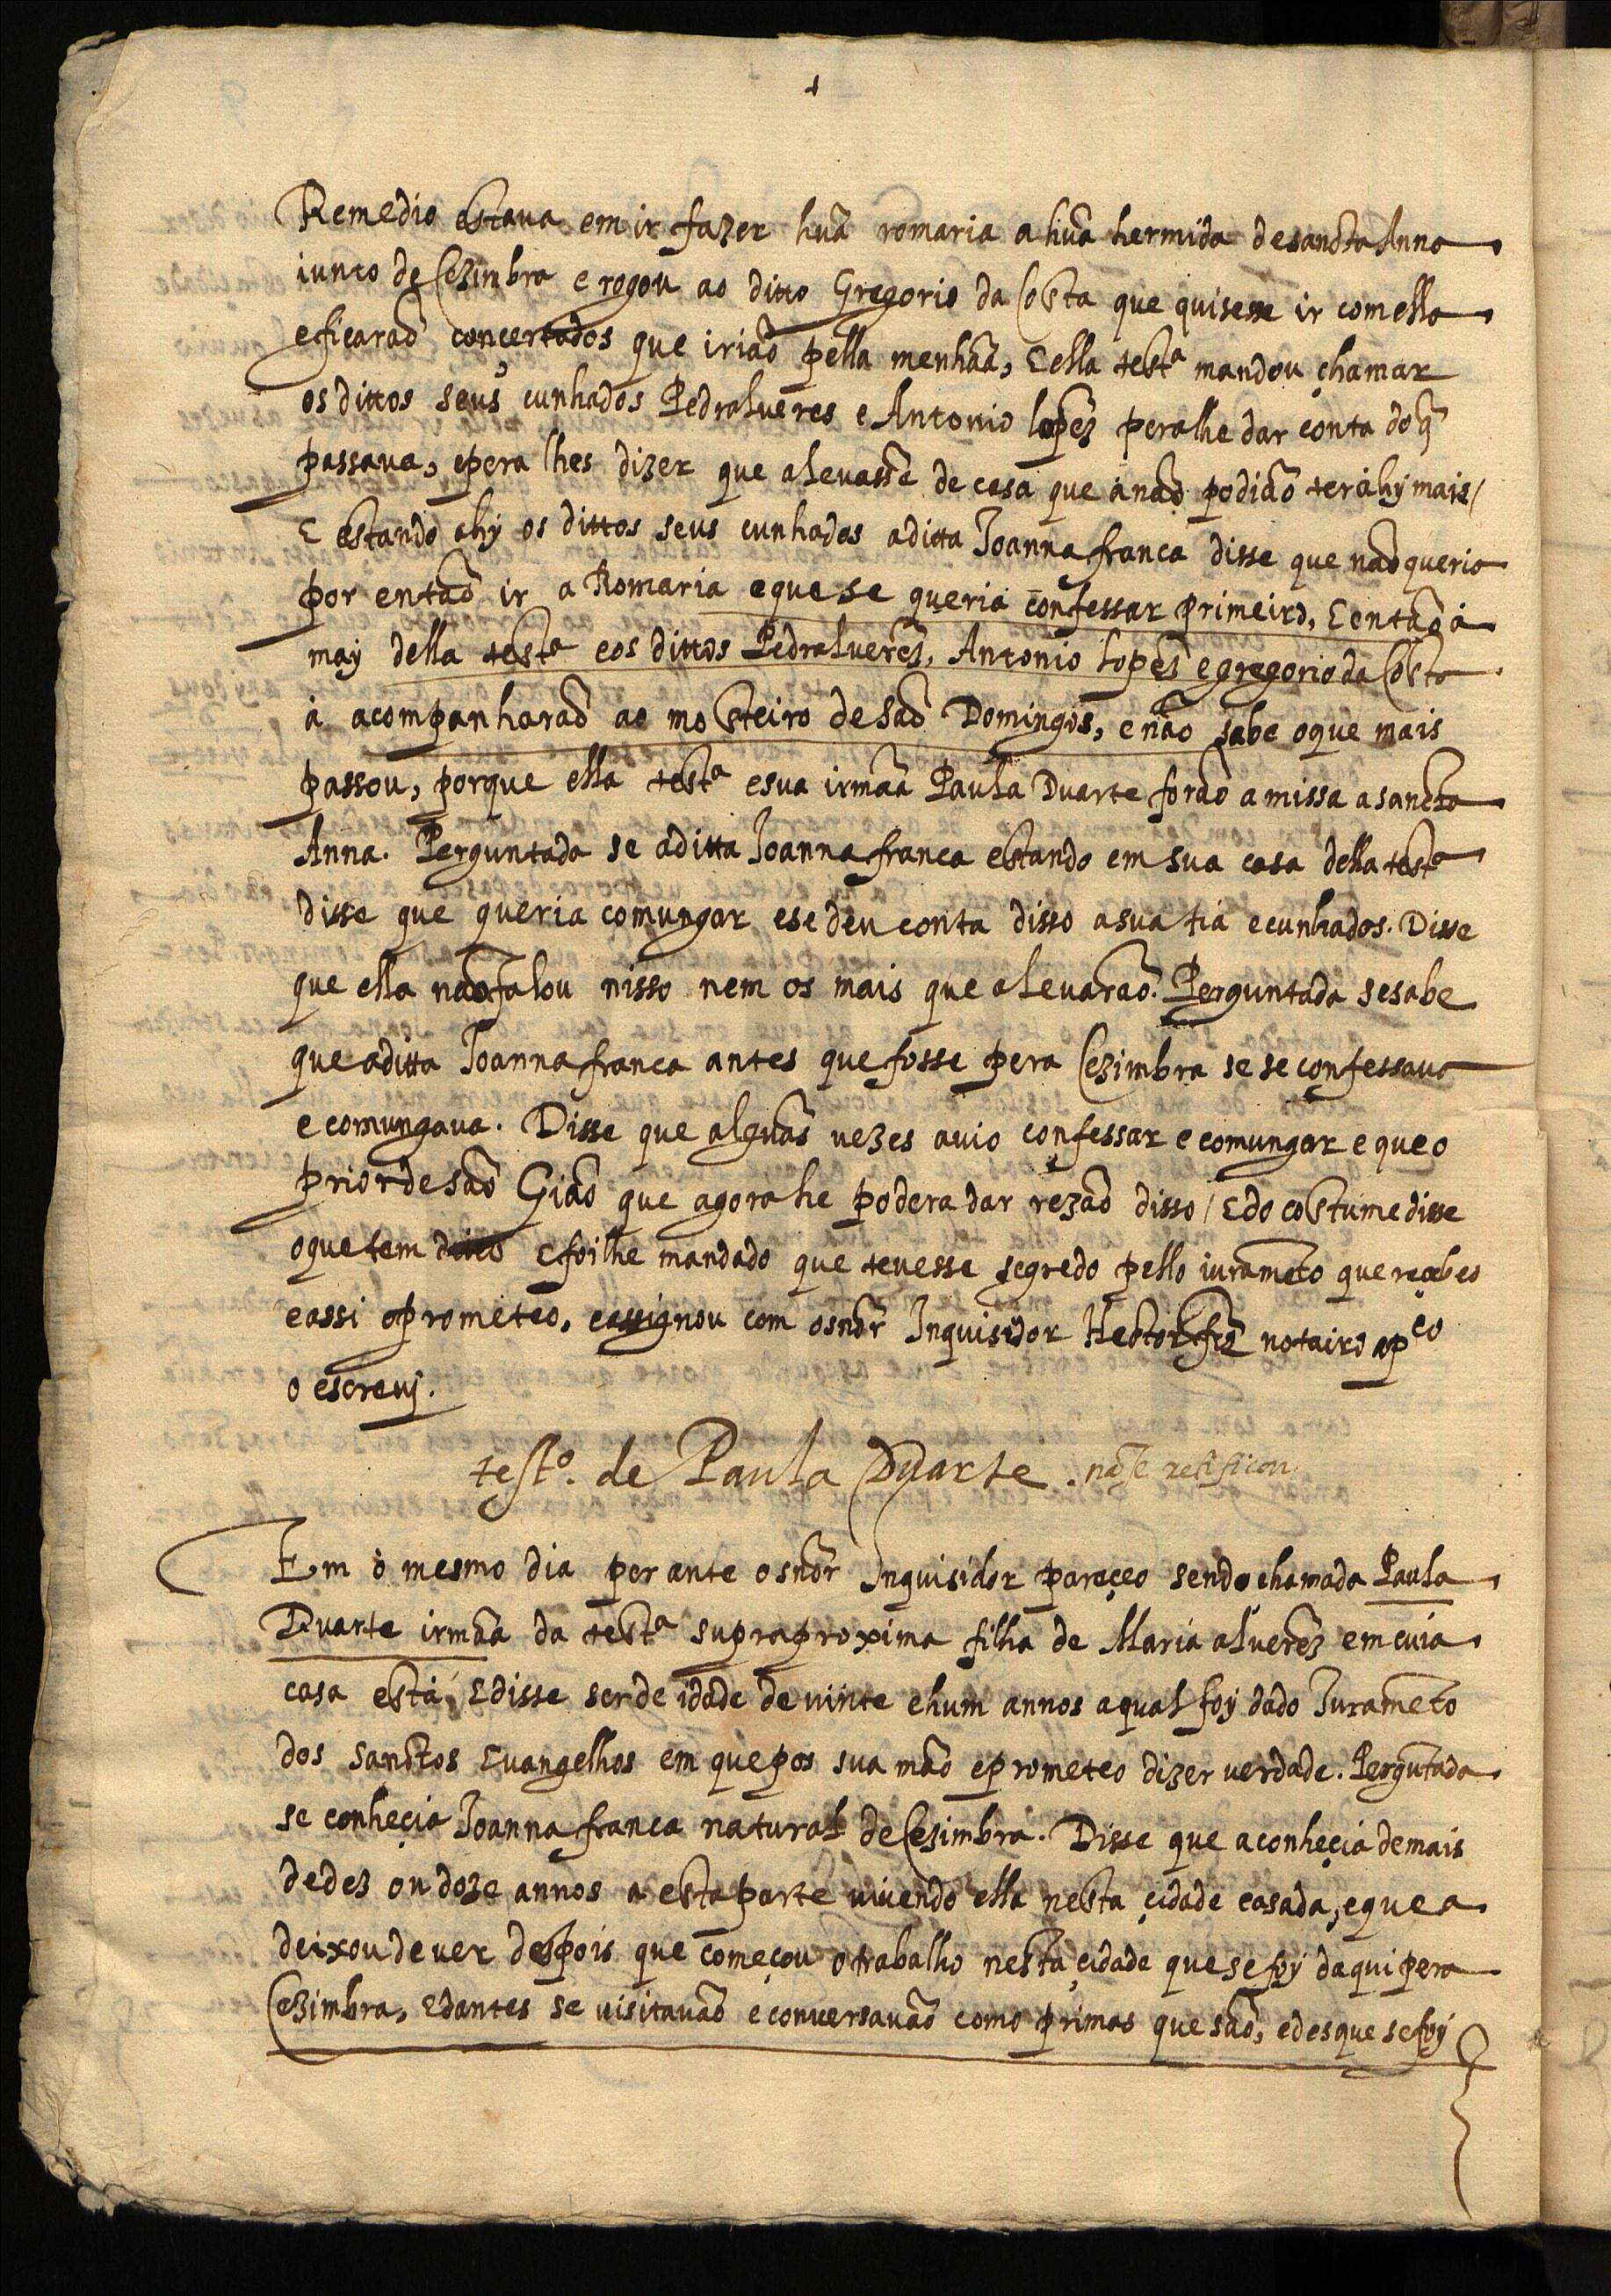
Remedio estaua em ir fazer huā romaria a huā hermida de sancta Anna
iunto de Cezimbra e rogou ao ditto Gregorio da Costa que quisesse ir com ella
e ficaraõ conçertados que irião pella menhāa, E ella testa mandou chamar
os dittos seus cunhados Pedralueres e Antonio lopēz pera lhe dar conta do q̄
passaua, e pera lhes dizer que a leuassē de casa que a naõ podiaõ ter ahy mais /
E estando ahy os dittos seus cunhados a ditta Ioanna franca disse que naõ queria
por então ir a Romaria e que se queria confessar primeiro, E entaõ a
may della testa e os dittos Pedraluerēz, Antonio lopez̄ e gregorio da Costa
a acompanharaõ ao mosteiro de Saõ Domingos, e não sabe o que mais
passou, porque ella testa e sua irmāa Paula Duarte forão a missa a sancta
Anna. Perguntada se a ditta Ioanna franca estando em sua casa della testa
disse que queria comungar e se deu conta disso a sua tia e cunhados. Disse
que ella naõ falou nisso nem os mais que a leuarão. Perguntada se sabe
que a ditta Ioanna franca antes que fosse pera Cezimbra se se confessaua
e comungaua. Disse que alguās uezes a uio confessar e comungar e que o
prior de são Gião que agora he podera dar rezão disso / E do costume disse
o que tem ditto E foi lhe mandado que teuesse segredo pello iuramēto que reçebeo
e assi o prometeo, e assignou com o snōr Inquisidor Hector fr̄z notairo apco
o escreuj.
testo. de Paula Duarte. nā se retificou.
Em o mesmo dia perante o snōr Inquisidor pareçeo sendo chamada Paula
Duarte irmāa da testa supra proxima filha de Maria aluerēz em cuia
casa está E disse ser de idade de uinte e hum annos a qual foy dado Iuramēto
dos sanctos Euangelhos em que pos sua mão e prometeo dizer uerdade. Pergūtada
se conheçia Ioanna franca natural de Cezimbra. Disse que a conheçia de mais
de dez ou doze annos a esta parte uiuendo ella nesta çidade casada, e que a
deixou de uer despois que começou o trabalho nesta çidade que se foy daqui pera
Cezimbra, E dantes se uisitauão e conuersauão como primas que são, e des que se foy
